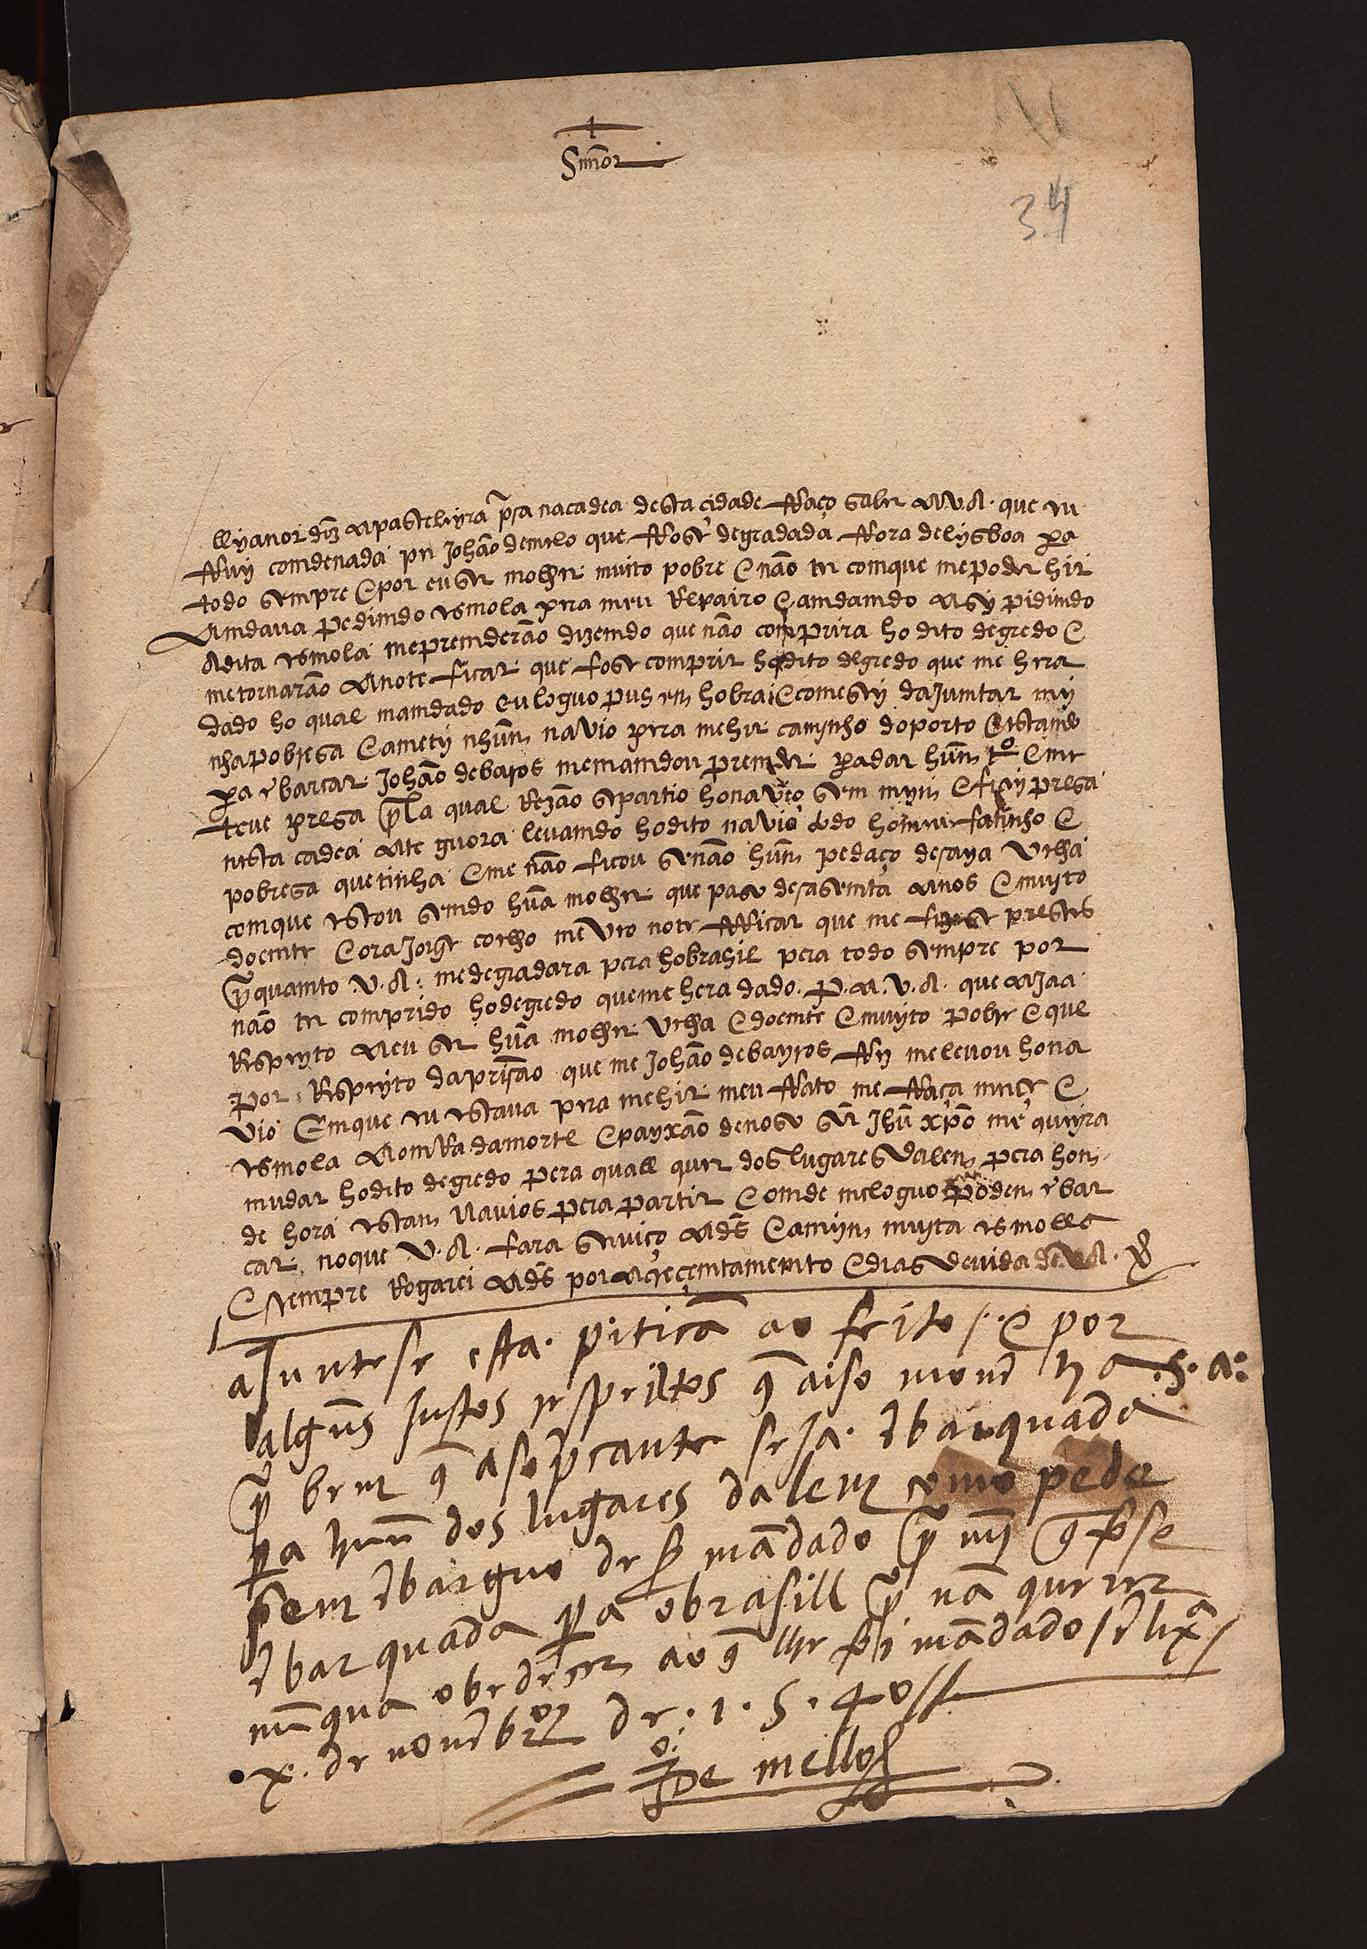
Snn̄or
llyanor dīz a pasteleyra p̄sa na cadea desta cidade ffaço saber a v A. que eu
ffuy comdenada per Johão de melo que ffose degradada ffora de lysboa ꝑa
todo sempre e por eu ser molher muito pobre e não ter com que me poder hir
amdaua pedimdo esmola pera meu Repairo e amdamdo asy pidimdo
A dita esmola me premderão dizemdo que não comprira ho dito degredo e
me tornarão a noteficar que fose comprir ho dito degredo que me hera
dado ho qual mandado eu loguo pus em hobra, e comesey daJumtar my
nha pobresa e a mety nhum navio pera me hir camjnho do porto e estando
ꝑa ēbarcar Johão de baros me mamdou premder ꝑa dar hum to e me
teue presa p̄la qual Rezão se partio ho navio sem mym e ficey presa
nesta cadea ate guora leuamdo ho dito navio todo ho meu fatinho e
pobresa que tinha e me não ficou senão hum pedaço de saya Velha
com que estou semdo hūa molher que paso de sasemta anos e mujto
doemte e ora Jorge coelho me veo noteffficar que me fizese prestes
p̄oquamto .V. A. me degradara pera ho brasil pera todo sempre por
não ter comprido ho degredo que me hera dado. P. a .v. A. que ajaa
Respeyto a eu ser hūa molher Velha e doemte e muyto pobre e que
por Respeyto da prisão que me Johão de bayros ffez me leuou ho na
Vio Em que eu estaua pera me hir meu ffato me ffaça merce e
esmola a omRa da morte e payxão de noso sōr Jhū xp̄o me queyra
mudar ho dito degredo pera quallquer dos lugares dalem pera hom
de hora estam Nauios pera partir e omde me loguo podem ēbar
car no que .V. A. fara seruiço a ds̄ e a mym mujta esmolla
e ssempre Rogarei a ds̄ por acrecemtamemto e dias de uida de v A.
aJunte se esta pitiçā ao feito /. e por
algūs Justos respeitos q̄ a iso mouē ha .s. a.
p̄o bem q̄ a sop̄cante seJa ēbarquada
ꝑa huū dos lugares dalem como pede
sem ēbarguo de ꞩ mādado p̄o mj̄ q̄ fose
ēbarquada ꝑa o brasill p̄o nā querer
nūqua obedecer ao q̄ lhe foi mādado / ē lixa /
x. de nouēbro de .1.5.40 //
Jo de mello
